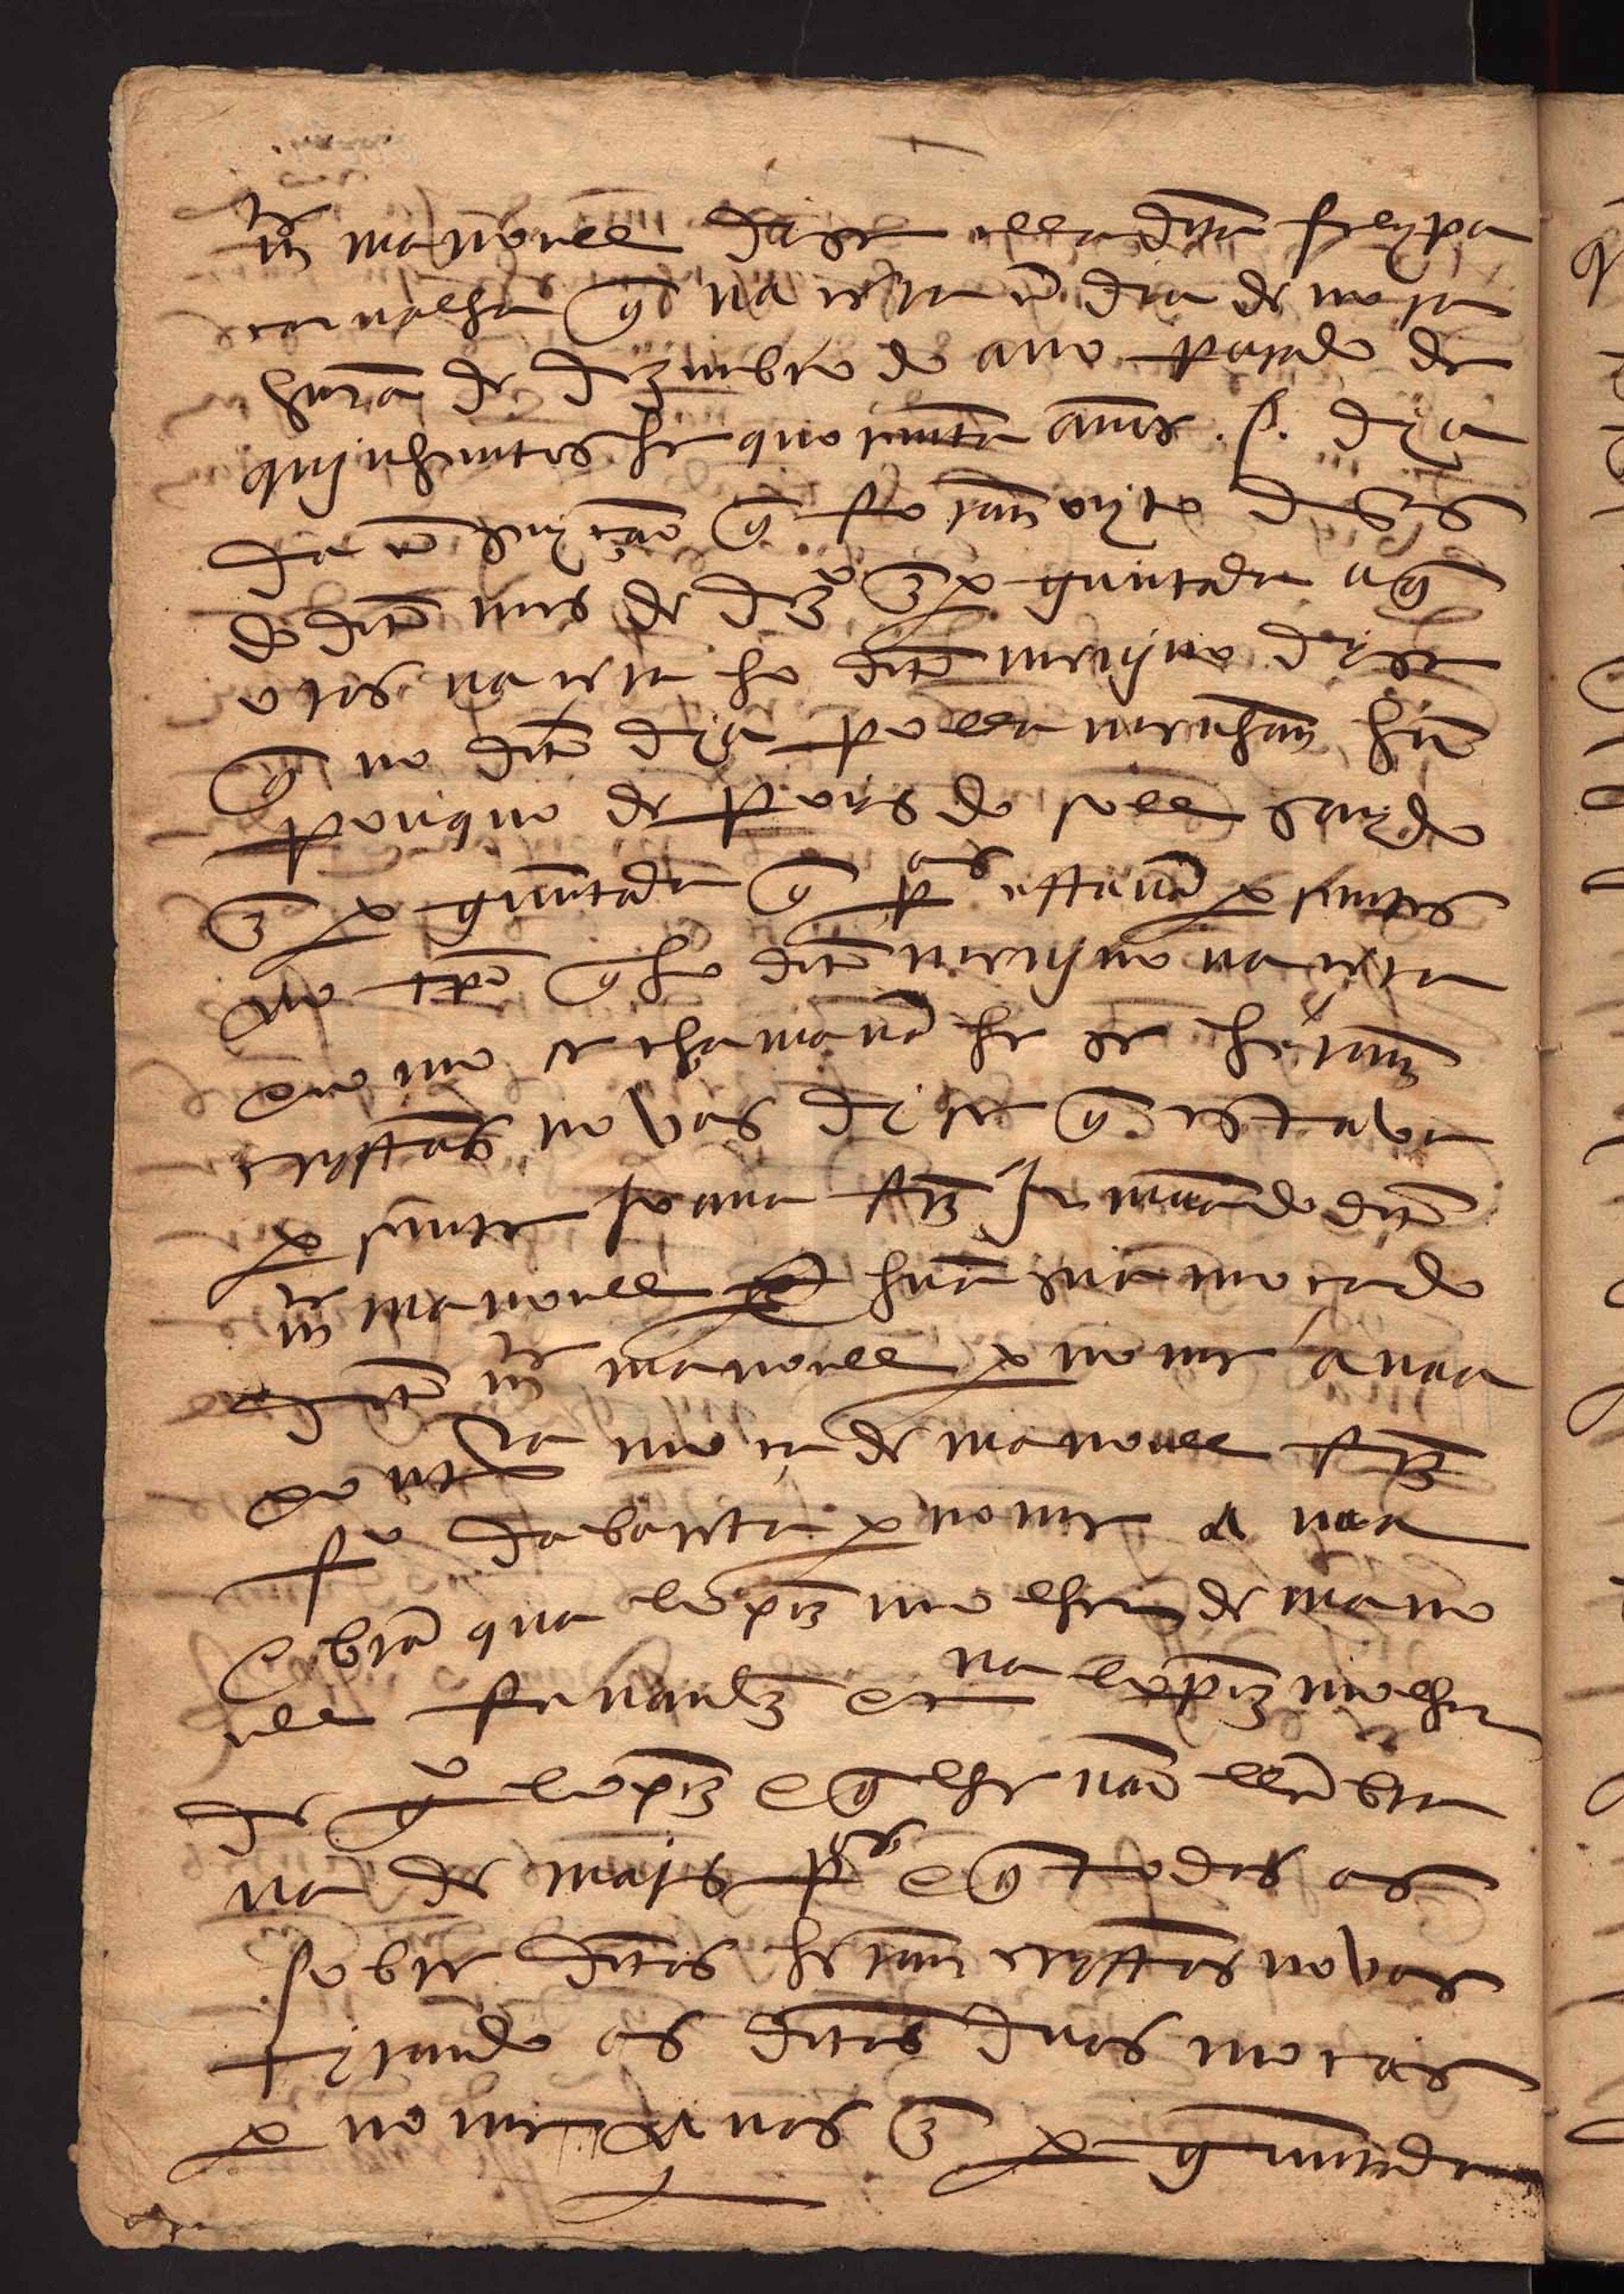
mte manoell dise ella dita felypa
carualha q̄ naçera ē dia de nosa
Snr̄a de dezenbro do ano pasado de
qujnhemtos he quoremta an̄os .s. dya
da c̄oseyção q̄ for̄an oyto dias
do dito mes de dezo item ꝑguntada a q̄
oras naçera ho dito menjno dyse
q̄ no dito dya polla menhan hū
pouquo depoys do soll saydo
item ꝑguntada q̄ pas estauā ꝑsemtes
ao tp̄o q̄ ho dito menjno naçera
e como se chamauā he se heram
crystās novas dyse q̄ estava
ꝑsemte Joana fr̄z Jrmāa do dito
mte manoell _ huā sua moça do
dito mte manoell ꝑ nome anaa
e outra moça de manoell fr̄z
fo da bareta ꝑ nome anaa
e brāqua lopiz molher de mano
ell fernandez e cna lopiz molher
de go lopiz e q̄ lhe não llēbra
ua de majs pas e q̄ todas as
sobreditas heran crystās novas
tyrando as ditas duas mocas
ꝑ nome Anas item ꝑguntada
